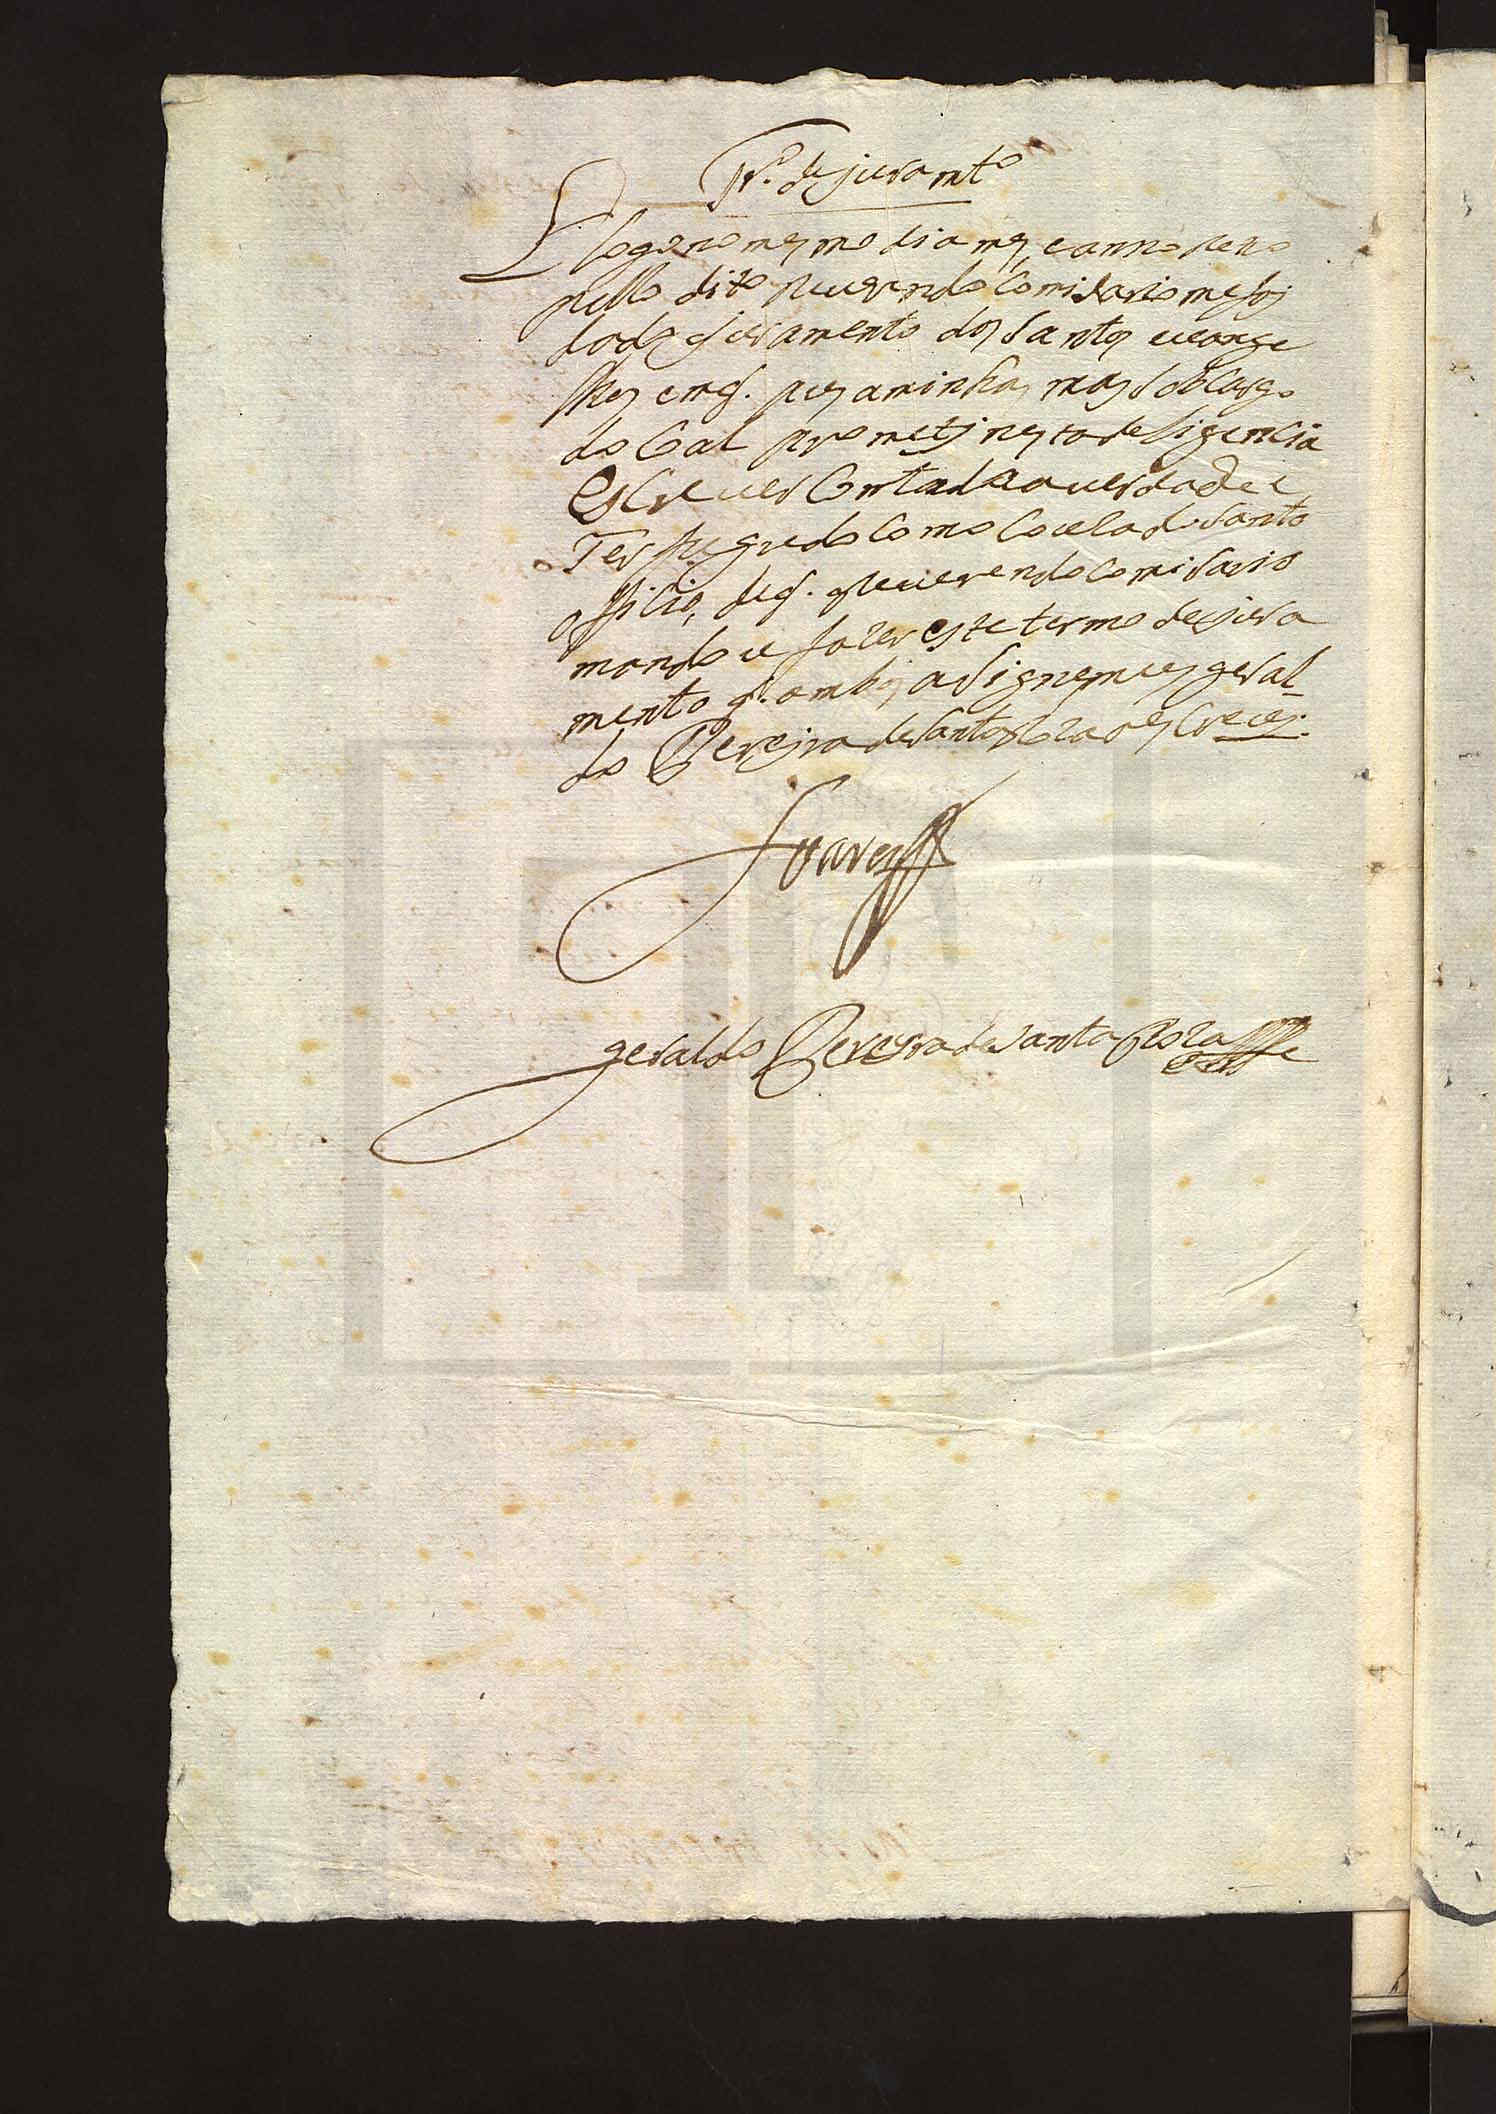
Tr.o de juramto
E logo no mesmo dia mes e anno retro
pello dito Reuerendo comisario me foj
dado juramento dos Santos euange
lhos em q̄ pos a minha mas sob cargo
do coal prometj nesta deligencia
escreuer con toda a uerdade e
Ter segredo como couza do santo
officio, de q̄. reuerendo comisario
mandou fazer este termo de jura
mento q̄. ambos asignemos geral
do Perejra de Santa Roza o esCreuj
Soares
geraldo Pereyra de santa Roza
